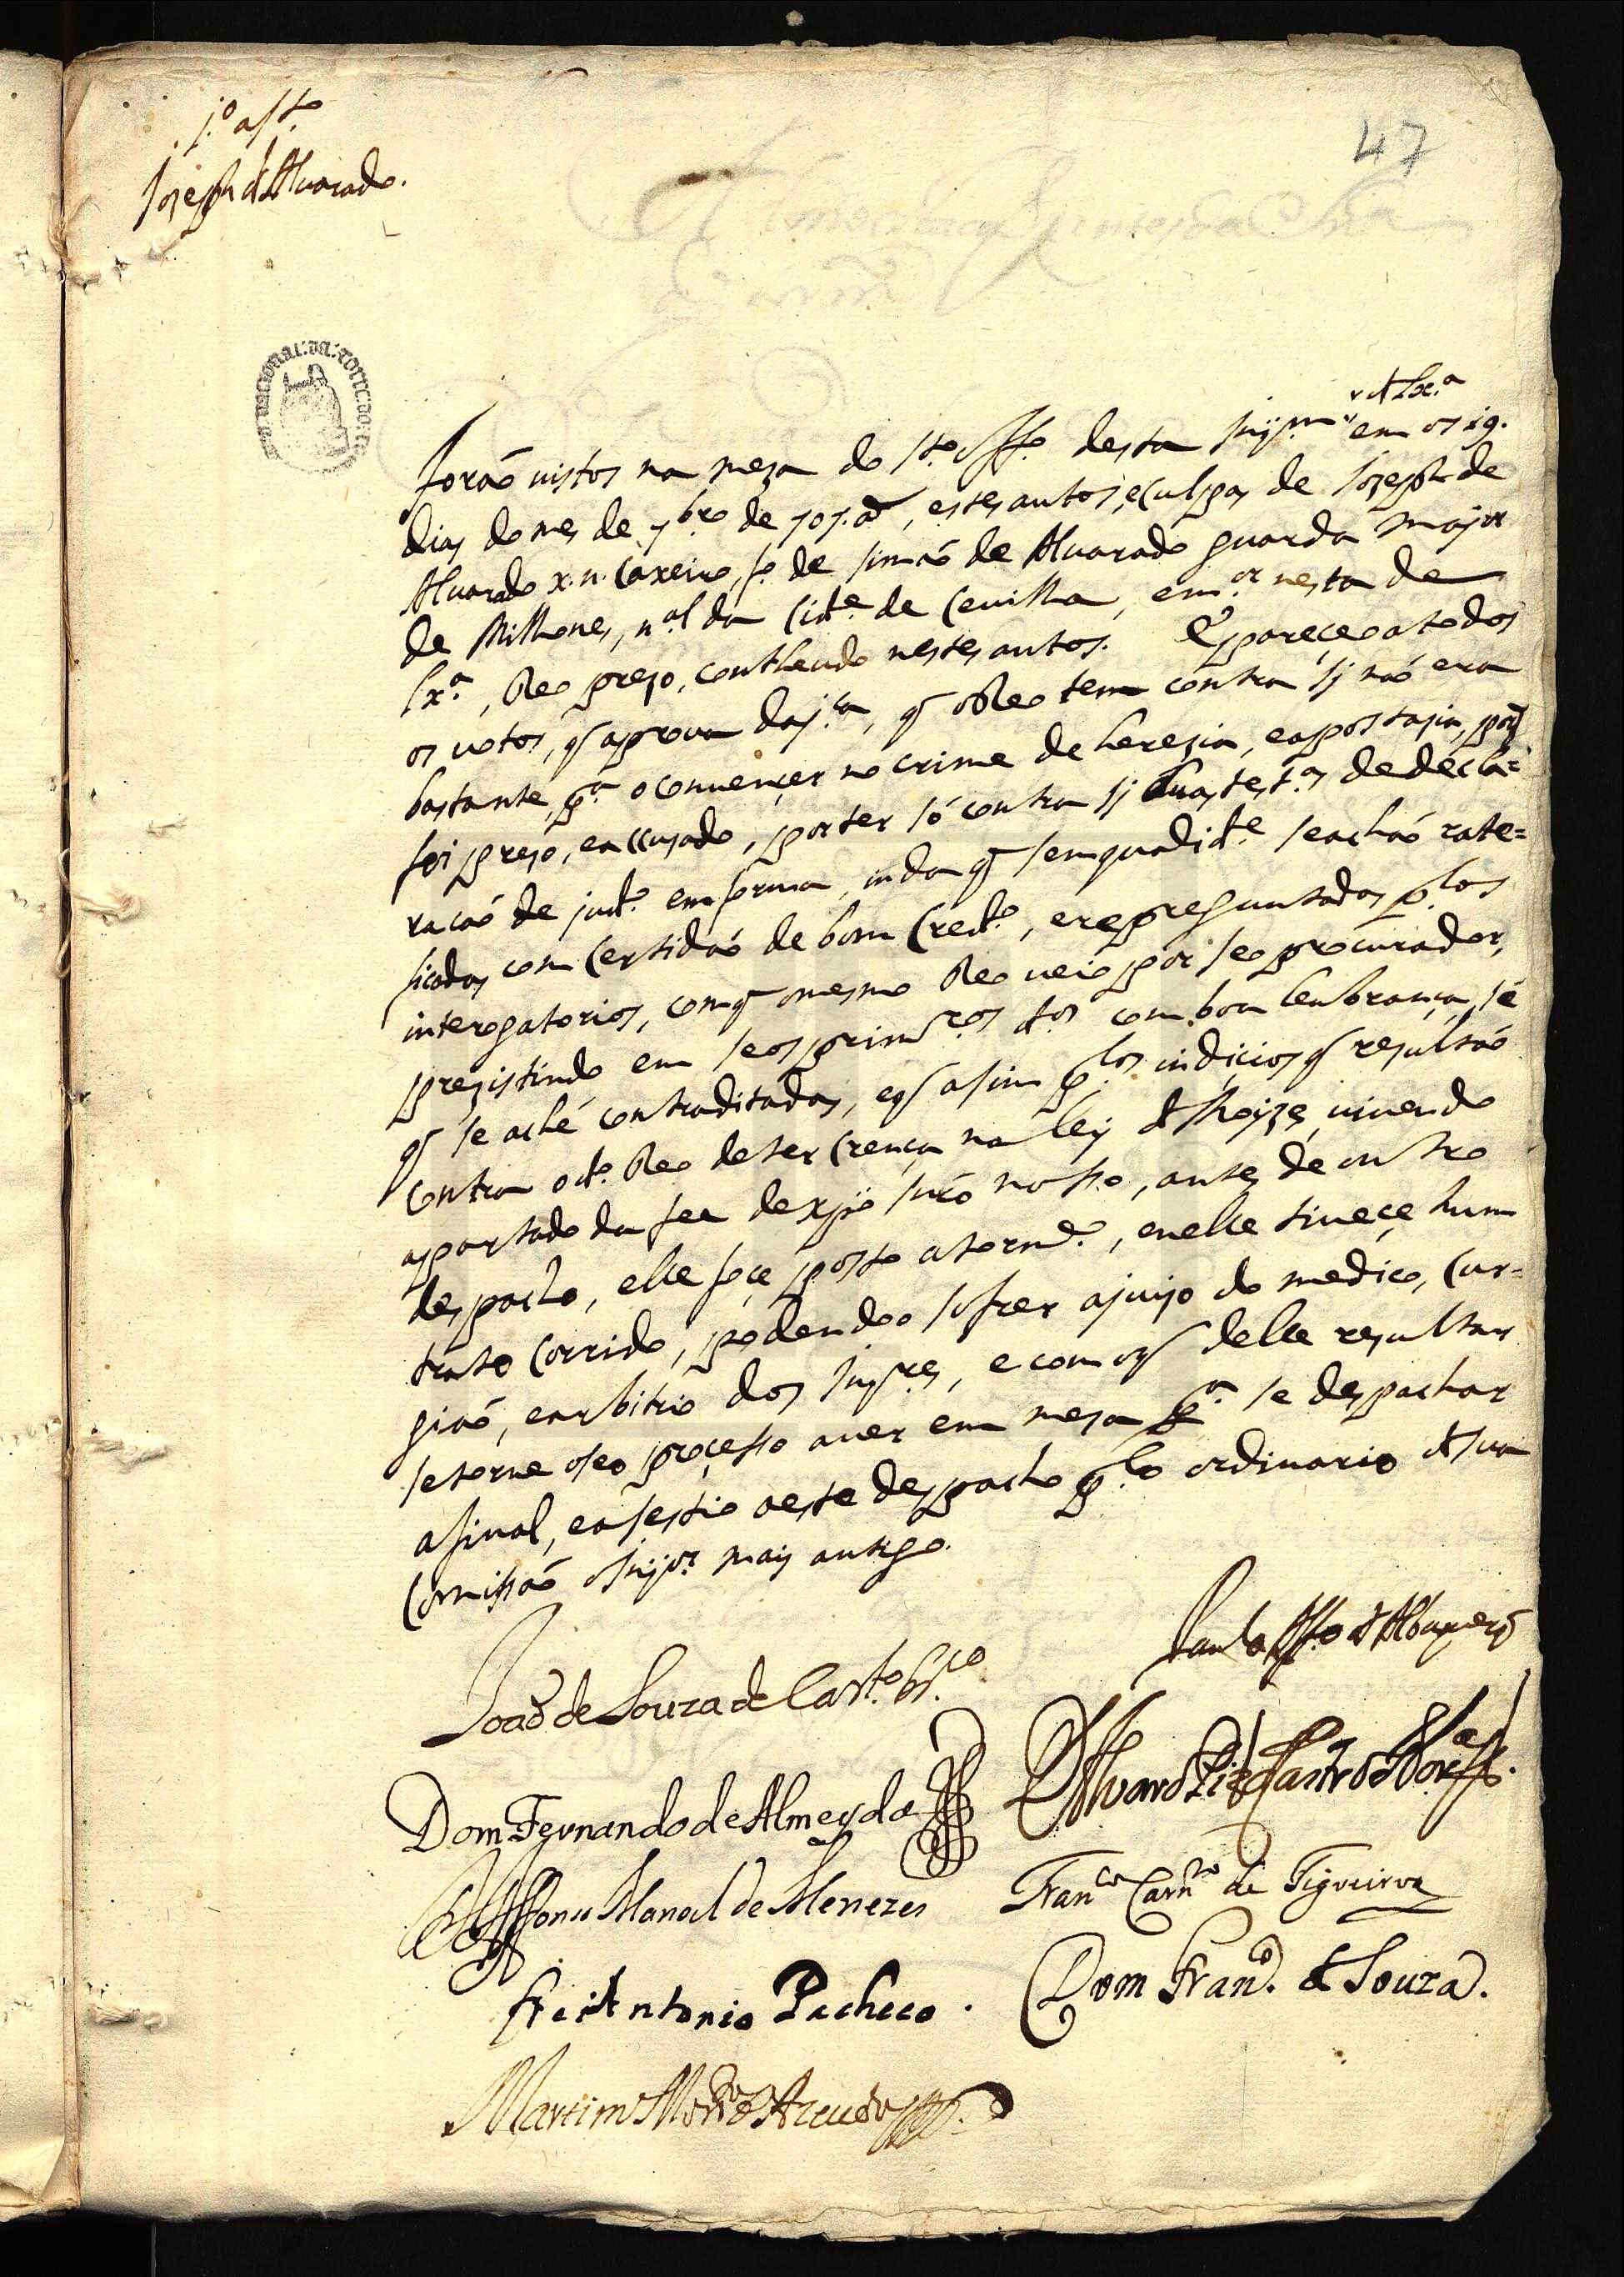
i.o as.to
Iozeph d̄ Aluarado.
d̄ Lx.a
foraõ uistos na meza do st.o off.o desta Inq.m em os i9.
dias do mes de 7.bro de 707.ā estes autos, e Culpas de Iozeph de
Aluarado x. n. caxeiro, f.o de Simaõ de Aluarado guarda major
de Milhones, n.al da Cid̄.e de Ceuilha e m.or nesta de
Lx.a Reo prezo, contheudo nestes autos; E pareceo a todos
os uotos, q̄ a proua da j.ça, q̄ o Reo tem contra si naõ era
bastante, p.a o conuencer no crime de herezia, e apostasia, porq̄
foi prezo, e accusado, por ter só contra si duas test.as de decla
raçaõ de jud.o em forma, inda q̄ sem quadid̄.e se achaõ rate
ficadas com certidaõ de bom Cred.o, e repreguntadas p.los
interogatorios, com q̄ o mesmo Reo ueio por seo procurador,
prezistindo em seos prim.ros d̄.os com boa lenbrança sē
q̄ se achē contraditadas, e q̄ asim p.los indicios q̄ resultaõ
contra o d̄.o Reo de ter Crença na ley de Moyzes uiuendo
apartado da fee de xpō snrō nosso, antes de outro
despacho, elle foçe posto a torm.to, e nelle tiueçe hum
trato Corrido, podendoo sofrer a juiso do medico, Cur
giaõ, e arbitrio dos Inq.res, e com o q̄ delle resultar
se torne o seo processo a uer em mesa p.a se despachar
afinal, e asestio a este despacho p.lo ordinario d̄ sua
Comissaõ o Inq.or mais antigo.
Paulo Aff.o d̄ Albuquerq̄
Joaõ de Souza de Cast.o br.co
Alvaro Piz̄ d̄ Castro Nora
Dom Fernando de Almeyda
Franco Carnro de Figueiroa
D Affonso Manoel de Menezes
Dom Fran.co d̄ Souza.
frei Antonio Pacheco
Martim Montro d̄ Azeudo
